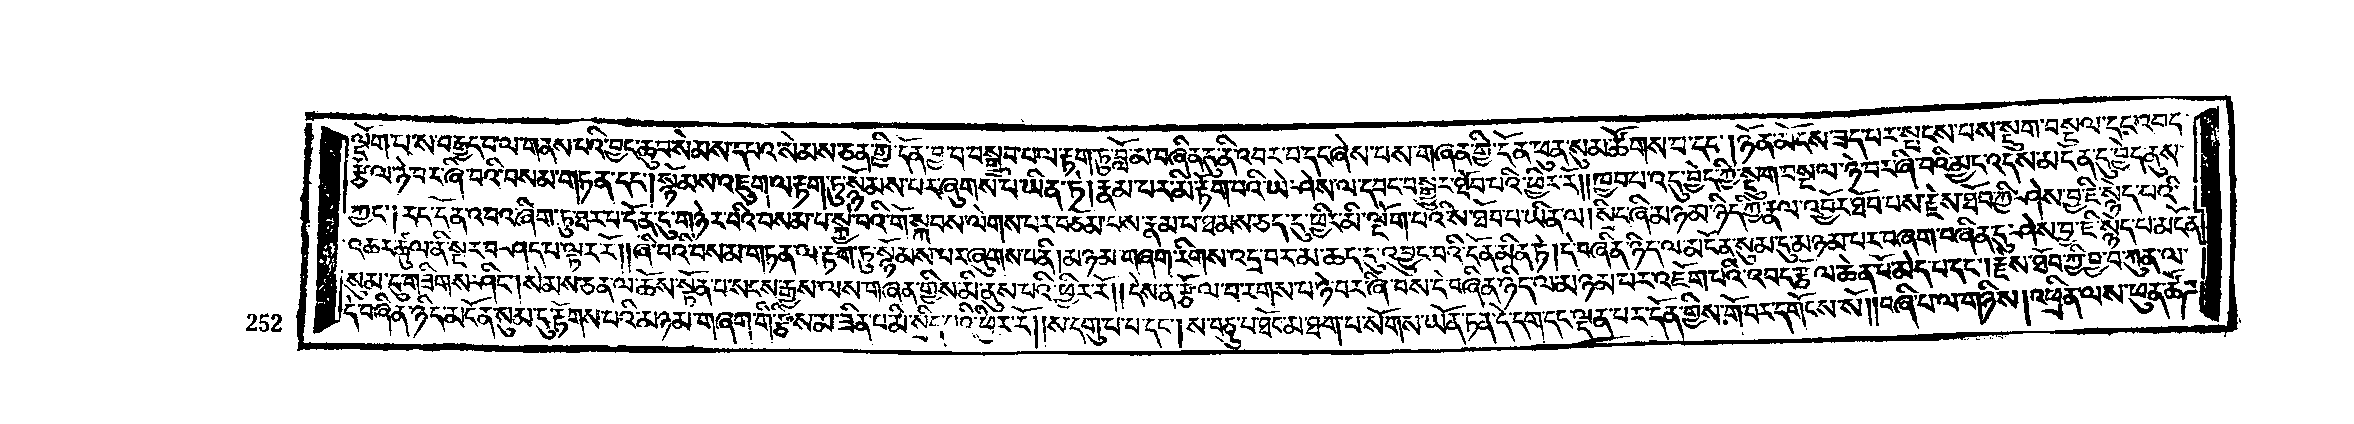ལྡོག་པ་ས་བརྒྱད་པ་ལ་གནས་པའི་བྱང་ཆུབ་སེམས་དཔའ་སེམས་ཅན་གྱི་དོན་བྱ་བ་བསྒྲུབ་པ་ལ་རྟག་ཏུ་བློ་མ་བཞིན་དུ་ནི་འབར་བ་དང་ཞེས་པས་གཞན་གྱི་དོན་ཕུན་སུམ་ཚོགས་པ་དང་། ཉོན་མོངས་ཟད་པར་སྤངས་པས་སྡུག་བསྔལ་དང་འབད་
རྩོལ་ཉེ་བར་ཞི་བའི་བསམ་གཏན་དང་། སྙོམས་འཇུག་ལ་རྟག་ཏུ་སྙོམས་པར་ཞུགས་པ་ཡིན་ཏེ། རྣམ་པར་མི་རྟོག་པའི་ཡེ་ཤེས་ལ་དབང་བསྒྱུར་ཐོབ་པའི་ཕྱིར་རོ། །ཁྱབ་པ་འདུ་བྱེད་ཀྱི་སྡུག་བསྔལ་ཉེ་བར་ཞི་བའི་མྱང་འདས་མངོན་དུ་བྱེད་ནུས་
ཀྱང༑ རང་དོན་འབའ་ཞིག་ཏུ་ཐར་པ་དོན་དུ་གཉེར་བའི་བསམ་པ་སྐྱེ་བའི་གོ་སྐབས་ལེགས་པར་བཅོམ་པས་རྣམ་པ་ཐམས་ཅད་དུ་ཕྱིར་མི་ལྡོག་པའི་ས་ཐོབ་པ་ཡིན་ལ། སྲིད་ཞི་མཉམ་ཉིད་ཀྱི་རྣལ་འབྱོར་ཐོབ་པས་རྗེས་ཐོབ་ཀྱི་ཤེས་བྱ་ཇི་སྙེད་པའི་
འཆར་ཚུལ་ནི་སྔར་བཤད་པ་ལྟར་རོ། །ཞི་བའི་བསམ་གཏན་ལ་རྟག་ཏུ་སྙོམས་པར་ཞུགས་པ་ནི། མཉམ་གཞག་རིགས་འདྲ་བར་མ་ཆད་དུ་འབྱུང་བའི་དོན་མིན་ཏེ། དེ་བཞིན་ཉིད་ལ་མངོན་སུམ་དུ་མཉམ་པར་བཞག་བཞིན་དུ་ཤེས་བྱ་ཇི་སྙེད་པ་མངོན་
སུམ་དུ་གཟིགས་ཤིང་། སེམས་ཅན་ལ་ཆོས་སྟོན་པ་སངས་རྒྱས་ལས་གཞན་གྱིས་མི་ནུས་པའི་ཕྱིར་རོ། །དེས་ན་རྩོལ་བ་རགས་པ་ཉེ་བར་ཞི་བས་དེ་བཞིན་ཉིད་ལ་མཉམ་པར་འཇོག་པའི་འབད་རྩོལ་ཆེན་པོ་མེད་པ་དང་། རྗེས་ཐོབ་ཀྱི་བྱ་བ་ཀུན་ལ་
དེ་བཞིན་ཉིད་མངོན་སུམ་དུ་རྟོགས་པའི་མཉམ་གཞག་གི་རྩིས་མ་ཟིན་པ་མི་སྲིད་པའི་ཕྱིར་རོ། །ས་དགུ་པ་བ་དང་། ས་བཅུ་པ་ཐོང་མ་ཐག་པ་སོགས་ཡོན་ཏན་དེ་དག་དང་ལྡན་པར་དོན་གྱིས་གོ་བར་དགོངས་སོ། །བཞི་པ་ལ་གཉིས། འཕྲིན་ལས་ཕུན་ཚོགས་